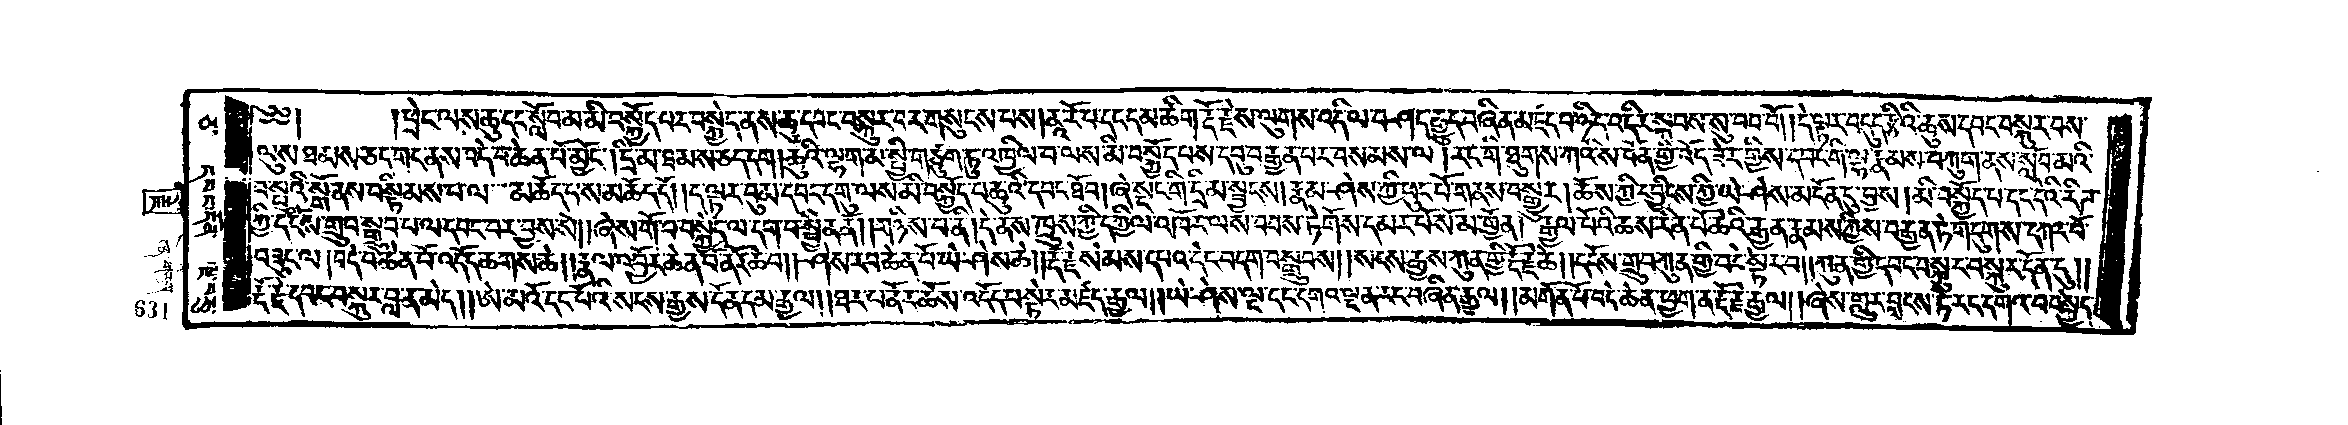༄༅། །ཕྲེང་ལས་ཆུ་དང་སློབ་མ་མི་བསྐྱོད་པར་བསྐྱེད་ནས་ཆུ་དབང་བསྐུར་བར་གསུངས་པས། ནཱ་རོ་པ་དང་དམ་ཚིག་རྡོ་རྗེས་ལུགས་འདི་ལ་བཤད་རྒྱུད་བཞིན་མཛད་པ་ཉིད་འདིར་སྐབས་སུ་བབ་བོ། །དེ་ལྟར་བདུད་རྩིའི་ཆུས་དབང་བསྐུར་བས་
ལུས་ཐམས་ཅད་གང་ནས་བདེ་བ་ཆེན་པོ་མྱོང་། དྲི་མ་ཐམས་ཅད་དག། ཆུའི་ལྷག་མ་སྤྱི་གཙུག་ཏུ་འཁྱིལ་བ་ལས་མི་བསྐྱོད་པས་དབུ་བརྒྱན་བར་བསམས་ལ། རང་གི་ཐུགས་ཀའི་ས་བོན་གྱི་འོད་ཟེར་གྱིས་དབང་གི་ལྷ་རྣམས་བཀུག་ནས་སློབ་མའི་
བ་སྤུའི་སྒོ་ནས་བསྟིམས་པ་ལ་མཆོད་པས་མཆོད་དོ། །ད་ལྟར་བུམ་དབང་དགུ་ལས་མི་བསྐྱོད་པ་ཆུའི་དབང་ཐོབ། ཞེ་སྡང་གི་དྲི་མ་སྦྱངས། རྣམ་ཤེས་ཀྱི་ཕུང་པོ་གནས་བསྒྱུར། ཆོས་ཀྱི་དབྱིངས་ཀྱི་ཡེ་ཤེས་མངོན་དུ་བྱས། མི་བསྐྱོད་པ་དང་དེའི་རིགས་
ཀྱི་དངོས་གྲུབ་སྒྲུབ་པ་ལ་དབང་བར་བྱས་སོ། །ཞེས་གོ་བ་བསྐྱེད་ལ་དག་པ་སྦྱིན་ནོ། །གཉིས་པ་ནི། དེ་ནས་ཁྲུས་ཀྱི་དཀྱིལ་འཁོར་ལས་བབས་ཏེ་གོས་དམར་པོ་སོ་མ་གྱོན། རྒྱལ་པོའི་ཆས་རིན་པོ་ཆེའི་རྒྱན་རྣམས་ཀྱིས་བརྒྱན་ཏེ་གདུགས་དཀར་པོ་
བཟུང་ལ། བདེ་བ་ཆེན་པོ་འདོད་ཆགས་ཆེ། །རྣལ་འབྱོར་ཆེན་པོ་ནོར་ཆེ་བ། །ཤེས་རབ་ཆེན་པོ་ཡེ་ཤེས་ཆེ། །རྡོ་རྗེ་སེམས་དཔའ་དེང་བདག་བསྒྲུབས། །སངས་རྒྱས་ཀུན་གྱི་རྡོ་རྗེ་ཆེ། །དངོས་གྲུབ་ཀུན་གྱི་བདེ་སྟེར་བ། །ཀུན་གྱི་དབང་བསྐུར་བསྐུར་དོན་དུ། །
རྡོ་རྗེ་དབང་བསྐུར་བླ་ན་མེད། །ཨེ་མའོ་དང་པོའི་སངས་རྒྱས་དོན་དམ་རྒྱལ། །ཐར་པ་ནོར་ཆོས་འདོད་པ་སྟེར་མཛད་རྒྱལ། །ཡེ་ཤེས་ལྔ་དང་དགའ་ལྡན་རང་བཞིན་རྒྱལ། །མགོན་པོ་བདེ་ཆེན་ཕྱག་ན་རྡོ་རྗེ་རྒྱལ། །ཞེས་གླུར་བླངས་ཏེ་རང་དགའ་བ་བསྐྱེད་